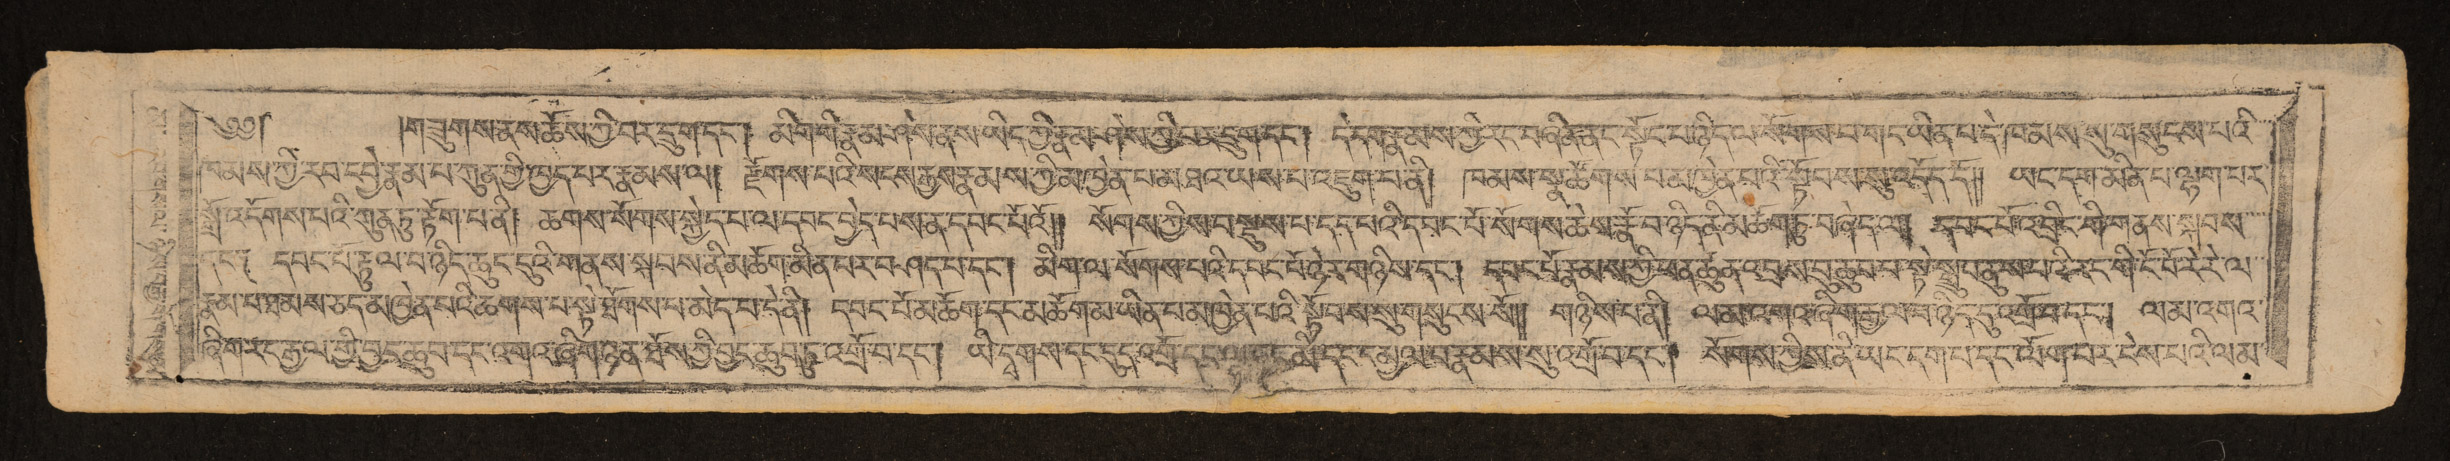༄༅། །གཟུགས་ནས་ཆོས་ཀྱི་བར་དྲུག་དང་། མིག་གི་རྣམ་ཤེས་ནས་ཡིད་ཀྱི་རྣམ་ཤེས་ཀྱི་བར་དྲུག་དང་། དེ་དག་རྣམས་ཀྱི་རང་བཞིན་ནང་སྟོང་པ་ཉིད་ལ་སོགས་པ་གང་ཡིན་པ་དེ་ཁམས་སུ་གསུངས་པའི་
ཁམས་ཀྱི་རབ་དབྱེ་རྣམ་པ་ཀུན་གྱི་ཁྱད་པར་རྣམས་ལ། རྫོགས་པའི་སངས་རྒྱས་རྣམས་ཀྱི་མཁྱེན་པ་མཐའ་ཡས་པ་འཇུག་པ་ནི། ཁམས་སྣ་ཚོགས་པ་མཁྱེན་པའི་སྟོབས་སུ་འདོད་དོ།། ཡང་དག་མིན་པ་ལྷག་པར་
སྒྲོ་འདོགས་པའི་ཀུན་ཏུ་རྟོག་པ་ནི། ཆགས་སོགས་སྐྱེད་པ་དེ་དབང་བྱེད་པས་ན་དབང་པོའོ།། སོགས་ཀྱིས་བསྡུས་པ་དད་པའི་དབང་པོ་སོགས་ཆེས་རྣོ་བ་ཉིད་ནི་མཆོག་ཏུ་བཞེད་ལ། དབང་པོ་འབྲིང་གི་གནས་སྐབས་
དང༑ དབང་པོ་རྟུལ་བ་ཉིད་ཆུང་ངུའི་གནས་སྐབས་ནི་མཆོག་མིན་པར་བཤད་པ་དང་། མིག་ལ་སོགས་པའི་དབང་པོ་ཉེར་གཉིས་དང་། དབང་པོ་རྣམས་ཀྱི་ཕན་ཚུན་འབྲས་བུ་ཆུབ་པ་སྟེ་སྒྲུབ་ནུས་པའི་རང་གི་ངོ་བོ་རེ་རེ་ལ་
རྣམ་པ་ཐམས་ཅད་མཁྱེན་པའི་ཆགས་པ་སྟེ་ཐོགས་པ་མེད་པ་དེ་ནི། དབང་པོ་མཆོག་དང་མཆོག་མ་ཡིན་པ་མཁྱེན་པའི་སྟོབས་སུ་གསུངས་སོ།། གཉིས་པ་ནི། ལམ་འགའ་ཞིག་རྒྱལ་བ་ཉིད་དུ་འགྲོ་བ་དང་། ལམ་འགའ་
ཞིག་རང་རྒྱལ་གྱི་བྱང་ཆུབ་དང་འགའ་ཞིག་ཉན་ཐོས་ཀྱི་བྱང་ཆུབ་ཏུ་འགྲོ་བ་དང་། ཡི་དྭགས་དང་དུད་འགྲོ་དང་ལྷ་དང་མི་དང་དམྱལ་བ་རྣམས་སུ་འགྲོ་བ་དང་། སོགས་ཀྱིས་ནི་ཡང་དག་པ་དང་ལོག་པར་ངེས་པའི་ལམ་